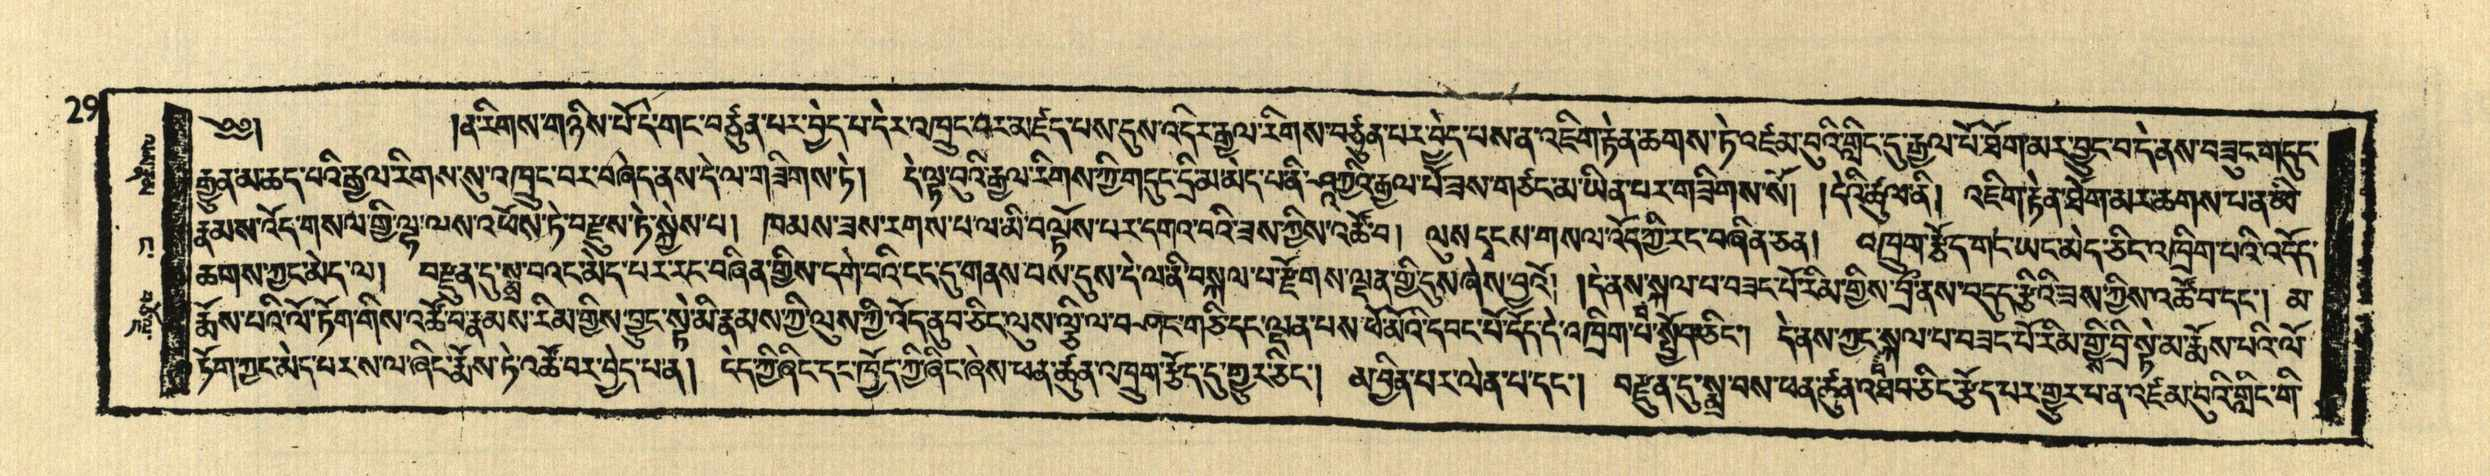༄༅། །ན་རིགས་གཉིས་པོ་དེ་གང་བཙུན་པར་བྱེད་པ་དེར་འཁྲུང་བར་མཛད་པས་དུས་འདིར་རྒྱལ་རིགས་བཙུན་པར་བྱེད་པས་ན་འཇིག་རྟེན་ཆགས་ཏེ་འཛམ་བུའི་གླིང་དུ་རྒྱལ་པོ་ཐོག་མར་བྱུང་བ་དེ་ནས་བཟུང་གདུང་
རྒྱུན་མ་ཆད་པའི་རྒྱལ་རིགས་སུ་འཁྲུང་བར་བཞེད་ནས་དེ་ལ་གཟིགས་ཏེ། དེ་ལྟ་བུའི་རྒྱལ་རིགས་ཀྱི་གདུང་དྲི་མ་མེད་པ་ནི་ཤཱཀྱའི་རྒྱལ་པོ་ཟས་གཙང་མ་ཡིན་པར་གཟིགས་སོ། །དེའི་ཚུལ་ནི། འཇིག་རྟེན་ཐོག་མར་ཆགས་པ་ན་མི་
རྣམས་འོད་གསལ་གྱི་ལྷ་ལས་འཕོས་ཏེ་བརྫུས་ཏེ་སྐྱེས་པ། ཁམས་ཟས་རགས་པ་ལ་མི་བལྟོས་པར་དགའ་བའི་ཟས་ཀྱིས་འཚོ་བ། ལུས་དྭངས་གསལ་འོད་ཀྱི་རང་བཞིན་ཅན། འཁྲུག་རྩོད་གང་ཡང་མེད་ཅིང་འཁྲིག་པའི་འདོད་
ཆགས་ཀྱང་མེད་ལ། བརྫུན་དུ་སྨྲ་བའང་མེད་པར་རང་བཞིན་གྱིས་དགེ་བའི་ངང་དུ་གནས་པས་དུས་དེ་ལ་ནི་བསྐལ་པ་རྫོགས་ལྡན་གྱི་དུས་ཞེས་བྱའོ། །དེ་ནས་བསྐལ་པ་བཟང་པོ་རིམ་གྱིས་བྲྀ་ནས་བདུད་རྩིའི་ཟས་ཀྱིས་འཚོ་བ་དང་། མ་
རྨོས་པའི་ལོ་ཏོག་གིས་འཚོ་བ་རྣམས་རིམ་གྱིས་བྱུང་སྟེ་མི་རྣམས་ཀྱི་ལུས་ཀྱི་འོད་ནུབ་ཅིང་ལུས་ལྕི་ལ་བཤང་གཅི་དང་ལྡན་པས་ཕོ་མོའི་དབང་པོ་དོད་དེ་འཁྲིག་པ་སྤྱོད་ཅིང་། དེ་ནས་ཀྱང་བསྐལ་པ་བཟང་པོ་རིམ་གྱིས་བྲི་སྟེ་མ་རྨོས་པའི་ལོ་
ཏོག་ཀྱང་མེད་པར་ས་ལ་ཞིང་རྨོས་ཏེ་འཚོ་བར་བྱེད་པ་ན། ངེད་ཀྱི་ཞིང་དང་ཁྱོད་ཀྱི་ཞིང་ཞེས་ཕན་ཚུན་འཁྲུག་རྩོད་དུ་གྱུར་ཅིང་། མ་བྱིན་པར་ལེན་པ་དང་། བརྫུན་དུ་སྨྲ་བས་ཕན་ཚུན་འཐབ་ཅིང་རྩོད་པར་གྱུར་པ་ན་འཛམ་བུའི་གླིང་གི་